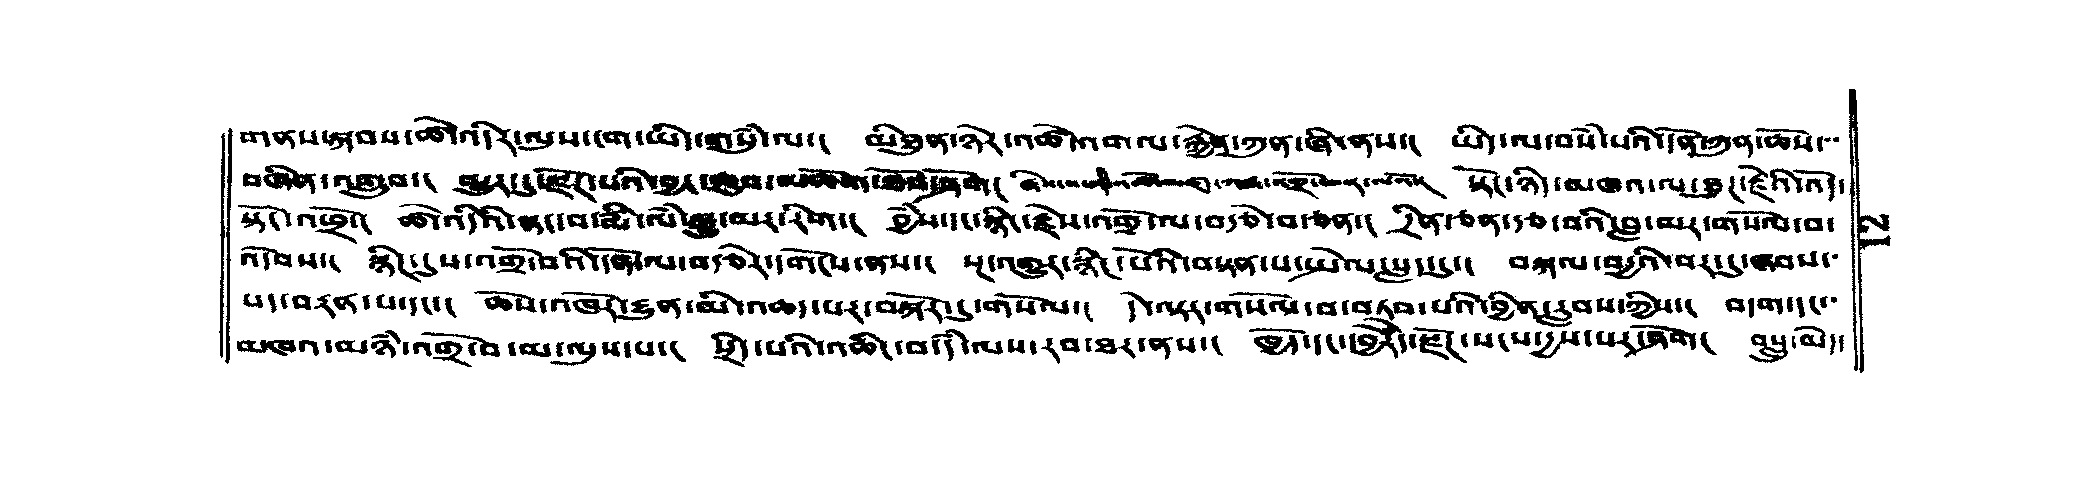།གནས་སྐབས་ཚེ་འདིར་ལུས་ངག་ཡིད་གསུམ་ལ། །མི་མཐུན་ཉེར་འཚེ་འགལ་རྐྱེན་ཀུན་ཞི་ནས། །ཡིད་ལ་བསམ་པའི་དོན་ཀུན་ཆོས་
བཞིན་འགྲུབ། །མྱུར་དུ་རྫོགས་པའི་བྱང་ཆུབ་མཆོག་ཐོབ་ཤོག། ཅེས་པ་ནི་འཚོ་མཛད་ཀརྨ་འགྲོ་ཕན་ལའོ།། སྟོང་ཉིད་མཁའ་ལ་ཐུགས་རྗེའི་འོད་
སྟོང་འཕྲོ། །ཚེ་འདིའི་སྣང་བ་རྨི་ལམ་སྒྱུ་མར་རིག །བྱམས་དང་སྙིང་རྗེས་འགྲོ་ལ་བརྩེ་བ་ཅན། །དྲིན་ཅན་རྩ་བའི་བླ་མར་གསོལ་བ་
འདེབས། །སྙིགས་དུས་འགྲོ་བའི་དོན་ལ་བརྩེར་དགོངས་ནས། །སྔ་འགྱུར་སྙིང་པོའི་བསྟན་པ་སྤེལ་སླད་དུ། །བསྐལ་བརྒྱའི་བར་དུ་ཞབས་
པད་བརྟན་པ་དང་། །ཆོས་འཁོར་རྒྱུན་མི་ཆད་པར་བསྐོར་དུ་གསོལ། །དེ་ལྟར་གསོལ་བ་བཏབ་པའི་བྱིན་རླབས་ཀྱིས། །བདག་དང་
མཁའ་མཉམ་འགྲོ་བ་མ་ལུས་པ། །སྲིད་པའི་འཆིང་བའི་འདམ་ལས་རབ་ཐར་ནས། །ཁྱོད་དང་དབྱེར་མེད་རྫོགས་སངས་རྒྱས་པར་ཤོག ༈ བསླུ་མེད་